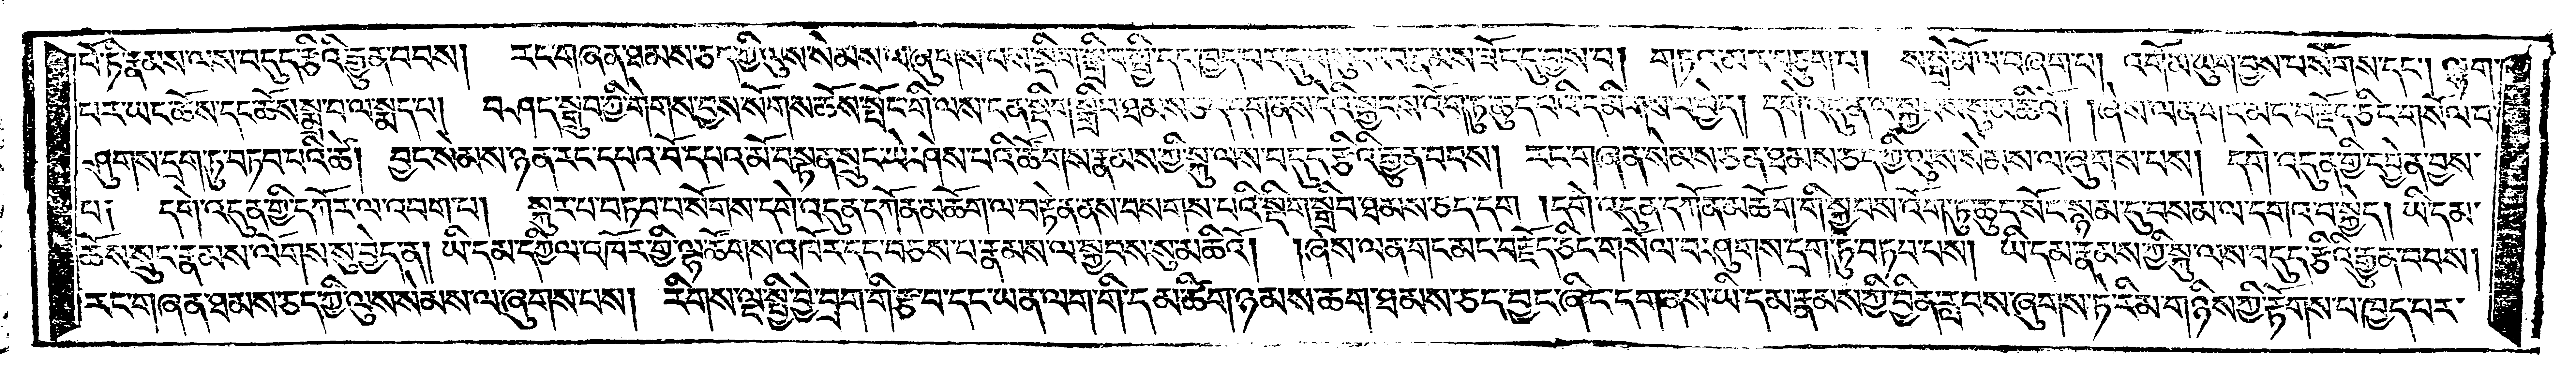པོ་ཏི་རྣམས་ལས་བདུད་རྩིའི་རྒྱུན་བབས། རང་གཞན་ཐམས་ཅད་ཀྱི་ལུས་སེམས་ལ་ཞུགས་པས་སྡིག་སྒྲིབ་སྤྱི་དང་ཁྱད་པར་དུ་གསུང་རབ་རྣམས་ཟོད་དུ་བྱས་པ། གཏའ་མར་བཅུག་པ། ས་སྒྲེ་མོལ་བཞག་པ། འགོམ་ཡུག་བྱས་པ་སོགས་དང་། ལྷག་
པར་ཡང་ཆོས་དང་ཆོས་སྨྲ་བ་ལ་སྨད་པ། བཤད་སྒྲུབ་ཀྱི་གེགས་བྱས་སོགས་ཆོས་སྤོང་གི་ལས་ངན་སྡིག་སྒྲིབ་ཐམས་ཅད་དེ་གནས་དེའི་སྐྱངས་འོག་ཏུ་ཆུད་པའི་དམིགས་པ་བྱེད། དགེ་འདུན་ལ་སྐྱབས་སུ་མཆིའོ། །ཞེས་ལན་གང་མང་བརྗོད་ཅིང་གསོལ་བ་
ཤུགས་དྲག་ཏུ་བཏབ་པའི་ཆེ། བྱང་སེམས་ཉན་རང་དཔའ་བོ་དཔའ་མོ་བསྟན་སྲུང་ཡེ་ཤེས་པའི་ཚོགས་རྣམས་ཀྱི་སྐུ་ལས་བདུད་རྩིའི་རྒྱུན་བབས། རང་གཞན་སེམས་ཅན་ཐམས་ཅད་ཀྱི་ལུས་སེམས་ལ་ཞུགས་པས། དགེ་འདུན་གྱི་དབྱེན་བྱས་
པ༑ དགེ་འདུན་གྱི་དཀོར་ལ་འབག་པ། སྐུར་ཕ་བཏབ་པ་སོགས་དགེ་འདུན་དཀོན་མཆོག་ལ་བརྟེན་ནས་བསགས་པའི་སྡིག་སྒྲིབ་ཐམས་ཅད་དག །དགེ་འདུན་དཀོན་མཆོག་གི་སྐྱབས་འོག་ཏུ་ཆུད་སོང་སྙམ་དུ་བསམ་ལ་དགའ་བ་སྐྱེད། ཡིད་མ་
ཆོས་སྲུང་རྣམས་ལོགས་སུ་བྱེད་ན། ཡི་དམ་དཀྱིལ་འཁོར་གྱི་ལྷ་ཆོགས་འཁོར་དང་བཅས་པ་རྣམས་ལ་སྐྱབས་སུ་མཆིའོ། །ཞེས་ལན་གང་མང་བརྗོད་ཅིང་གསོལ་བ་ཤུགས་དྲག་ཏུ་བཏབ་པས། ཡི་དམ་རྣམས་ཀྱི་སྐུ་ལས་བདུད་རྩིའི་རྒྱུན་བབས།
རང་གཞན་ཐམས་ཅད་ཀྱི་ལུས་སེམས་ལ་ཞུགས་པས། རིགས་ལྔ་སྤྱི་བྱེ་བྲག་གི་རྩ་བ་དང་ཡན་ལག་གི་དམ་ཚིག་ཉམས་ཆག་ཐམས་ཅད་བྱང་ཞིང་དག་ནས་ཡི་དམ་རྣམས་ཀྱི་བྱིན་རླབས་ཞུགས་ཏེ་རིམ་གཉིས་ཀྱི་རྟོགས་པ་ཁྱད་པར་